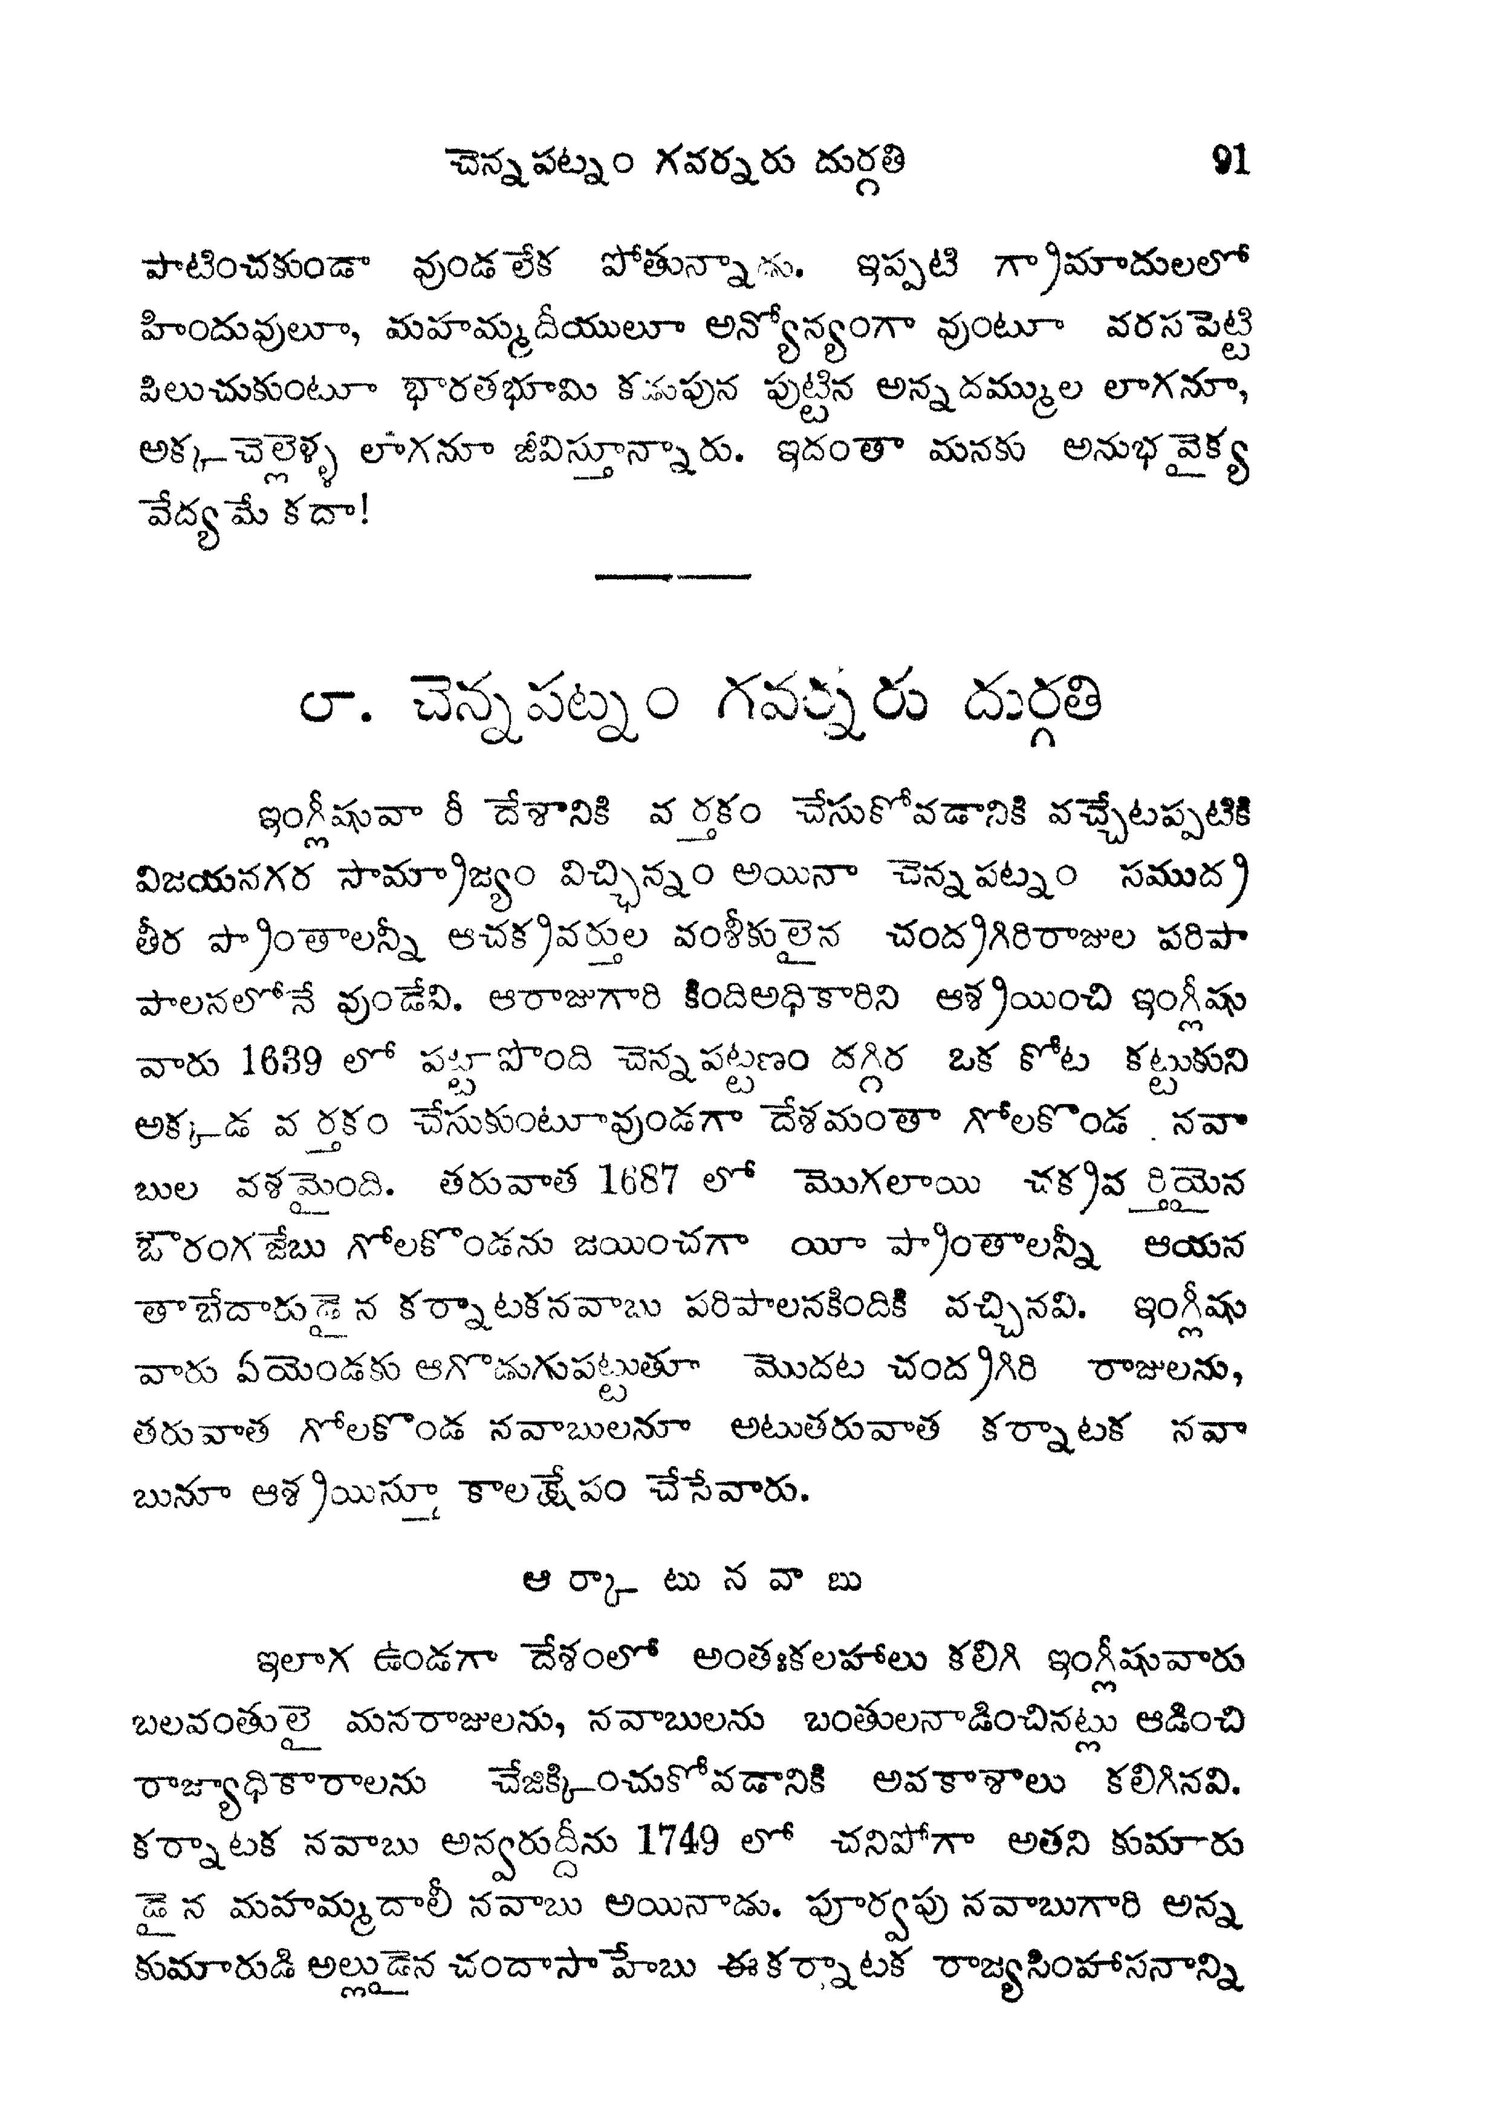పాటించకుండా వుండలేక పోతున్నారు. ఇప్పటి గ్రామాదులలో హిందువులూ, మహమ్మదీయులూ అన్యోన్యంగా వుంటూ వరసపెట్టి పిలుచుకుంటూ భారతభూమి కడుపున పుట్టిన అన్నదమ్ముల లాగనూ, అక్కచెల్లెళ్ళ లాగనూ జీవిస్తున్నారు. ఇదంతా మనకు అనుభవైక్యవేద్యమేకదా!

ఇంగ్లీషువా రీ దేశానికి వర్తకం చేసుకోవడానికి వచ్చేటప్పటికి విజయనగర సామ్రాజ్యం విచ్చిన్నం అయినా చెన్నపట్నం సముద్రతీర ప్రాంతాలన్నీ ఆ చక్రవర్తుల వంశీకులైన చంద్రగిరిరాజుల పరిపాలనలోనే వుండేది. ఆరాజుగారి కింది అధికారిని ఆశ్రయించి ఇంగ్లీషు వారు 1689 లో పట్టాపొంది చెన్నపట్టణం దగ్గిర కోట కట్టుకుని అక్కడ వర్తకం చేసుకుంటూవుండగా దేశమంతా గోలకొండ నవాబుల వశమైంది. తరువాత 1687 లో మొగలాయి చక్రవర్తియైన ఔరంగజేబు గోలకొండను జయించగా యీ ప్రాంతాలన్నీ ఆయన తాబేదారుడైన కర్నాటకనవాబు పరిపాలనకిందకి వచ్చినవి. ఇంగ్లీషు వారు ఏయెండకు ఆగొడుగు పట్టుతూ మొదట చంద్రగిరి రాజులను, తరువాత గోలకొండ నవాబులనూ అటుతరువాత కర్నాటక నవాబునూ ఆశ్రయిస్తూ కాలక్షేపం చేసేవారు.

ఇలాగ ఉండగా దేశంలొ అంత:కలహాలు కలిగి ఇంగ్లీషువారు బలవంతులై మనరాజులను, నవాబులను బంతులాడించినట్లు ఆడించి రాజ్యాధికారాలను చేజిక్కించుకోవడానికి అవకాశాలు కలిగినవి. కర్నాటక నవాబు అన్వరుద్దీను 1749 లో చనిపోగా అతని కుమారుడైన మహమ్మదాలీ నవాబు అయినాడు. పూర్వపు నవాబుగారి అన్నకుమారుడి అల్లుడైన చందాసాహేబు ఈకర్నాటక రాజ్యసింహాసనాన్ని